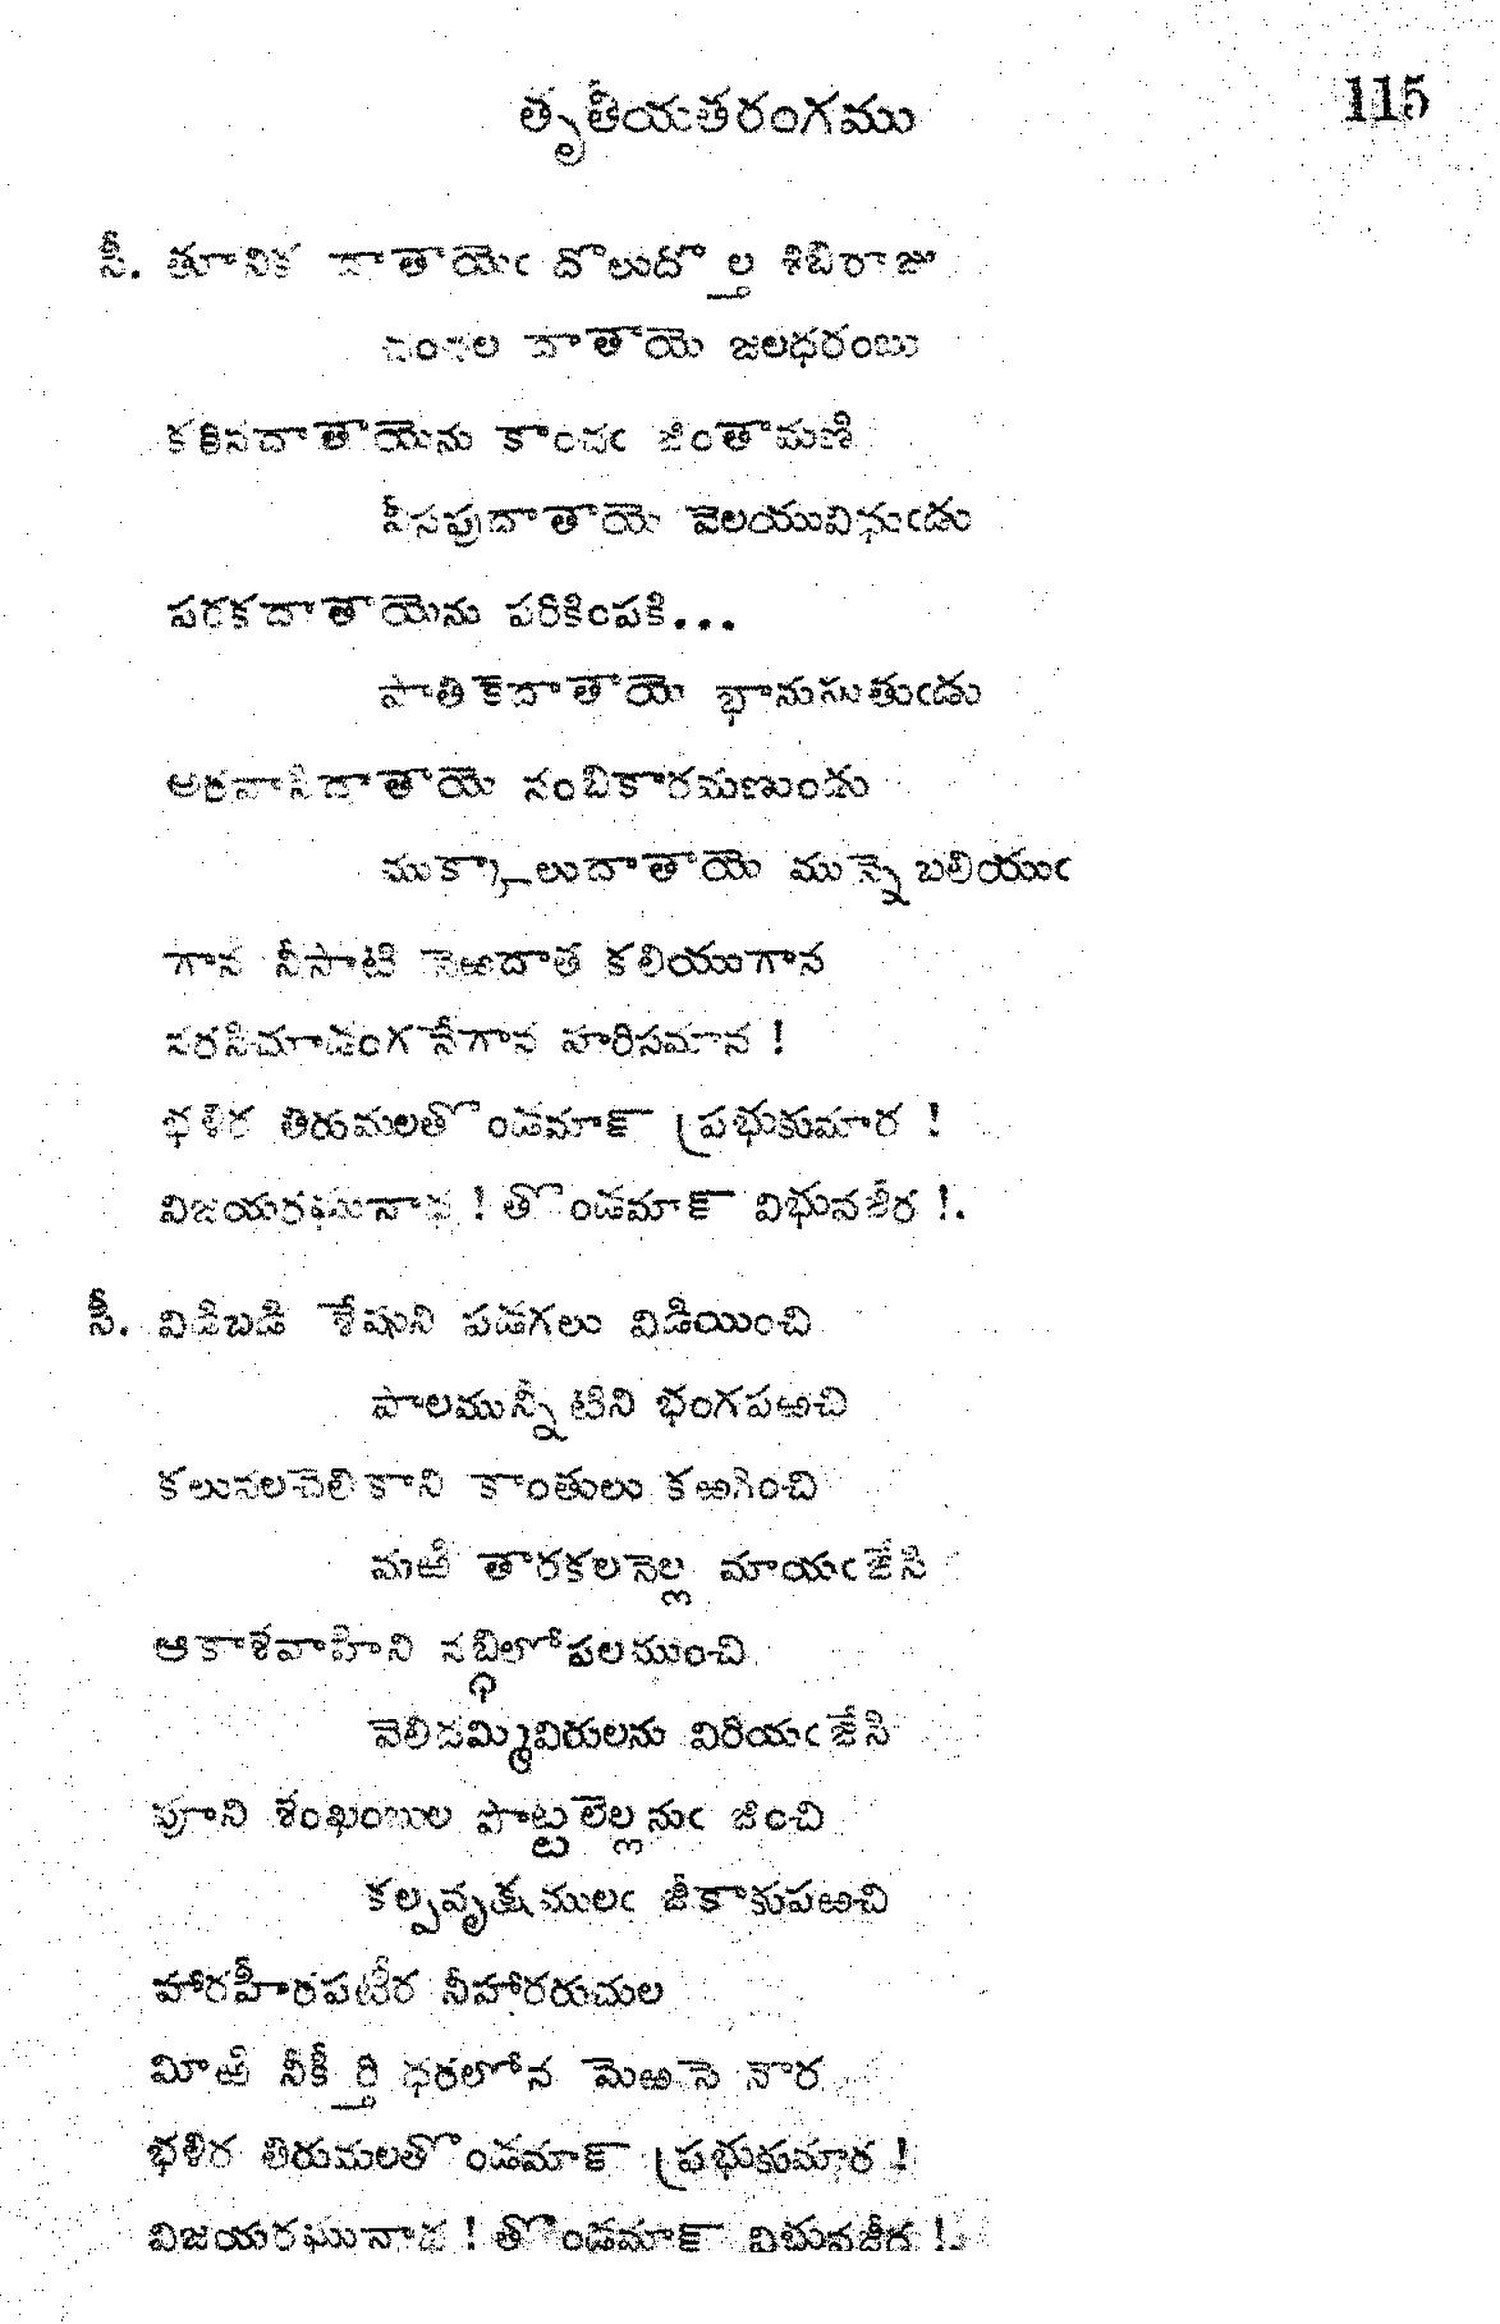సీ. తూనిక దాతాయెఁ దొలుదొల్త శిబిరాజు
 చంచల దాతాయె జలధరంబు
 కఠినదాతాయెను కాంచఁ జింతామణి
 వీసపుదాతాయె వెలయువిధుఁడు
 పరకదాతాయెను పరికింపకి..........
 పాతికేదాతాయె భానుసుతుఁడు
 అరనాసిదాతాయె నంబికారమణుండు
 ముక్కాలుదాతాయె మున్నెబలియుఁ
 గాన నీసాటి నెఱదాత కలియుగాన
 నరసిచూడంగనేగాన హరిసమాన!
 భళిర! తిరుతొండమాన్ ప్రభుకుమార!
 విజయరఘునాథ! తొండమాన్ విభువజీర.

సీ. విడిబడి శేషుని పడగలు విడియించి
 పాలమున్నీటిని భంగపఱచి
 కలువలచెలికాని కాంతులు కఱగించి
 మఱి తారకలనెల్ల మాయఁజేసి
 ఆకాశవాహిని నబ్ధిలోపల ముంచి
 వెలిదమ్మివిరులను విరియఁజేసి
 పూని శంఖంబుల పొట్టలెల్లనుఁ జించి
 కల్పవృక్షములఁ జీకాకుపఱచి
 హారహీరపటీరనీహారరుచుల
 మీఱి నీకీర్తి ధరలోన మెఱసె నౌర
 భళిర! తిరుతొండమాన్ ప్రభుకుమార!
 విజయరఘునాథ! తొండమాన్ విభువజీర.